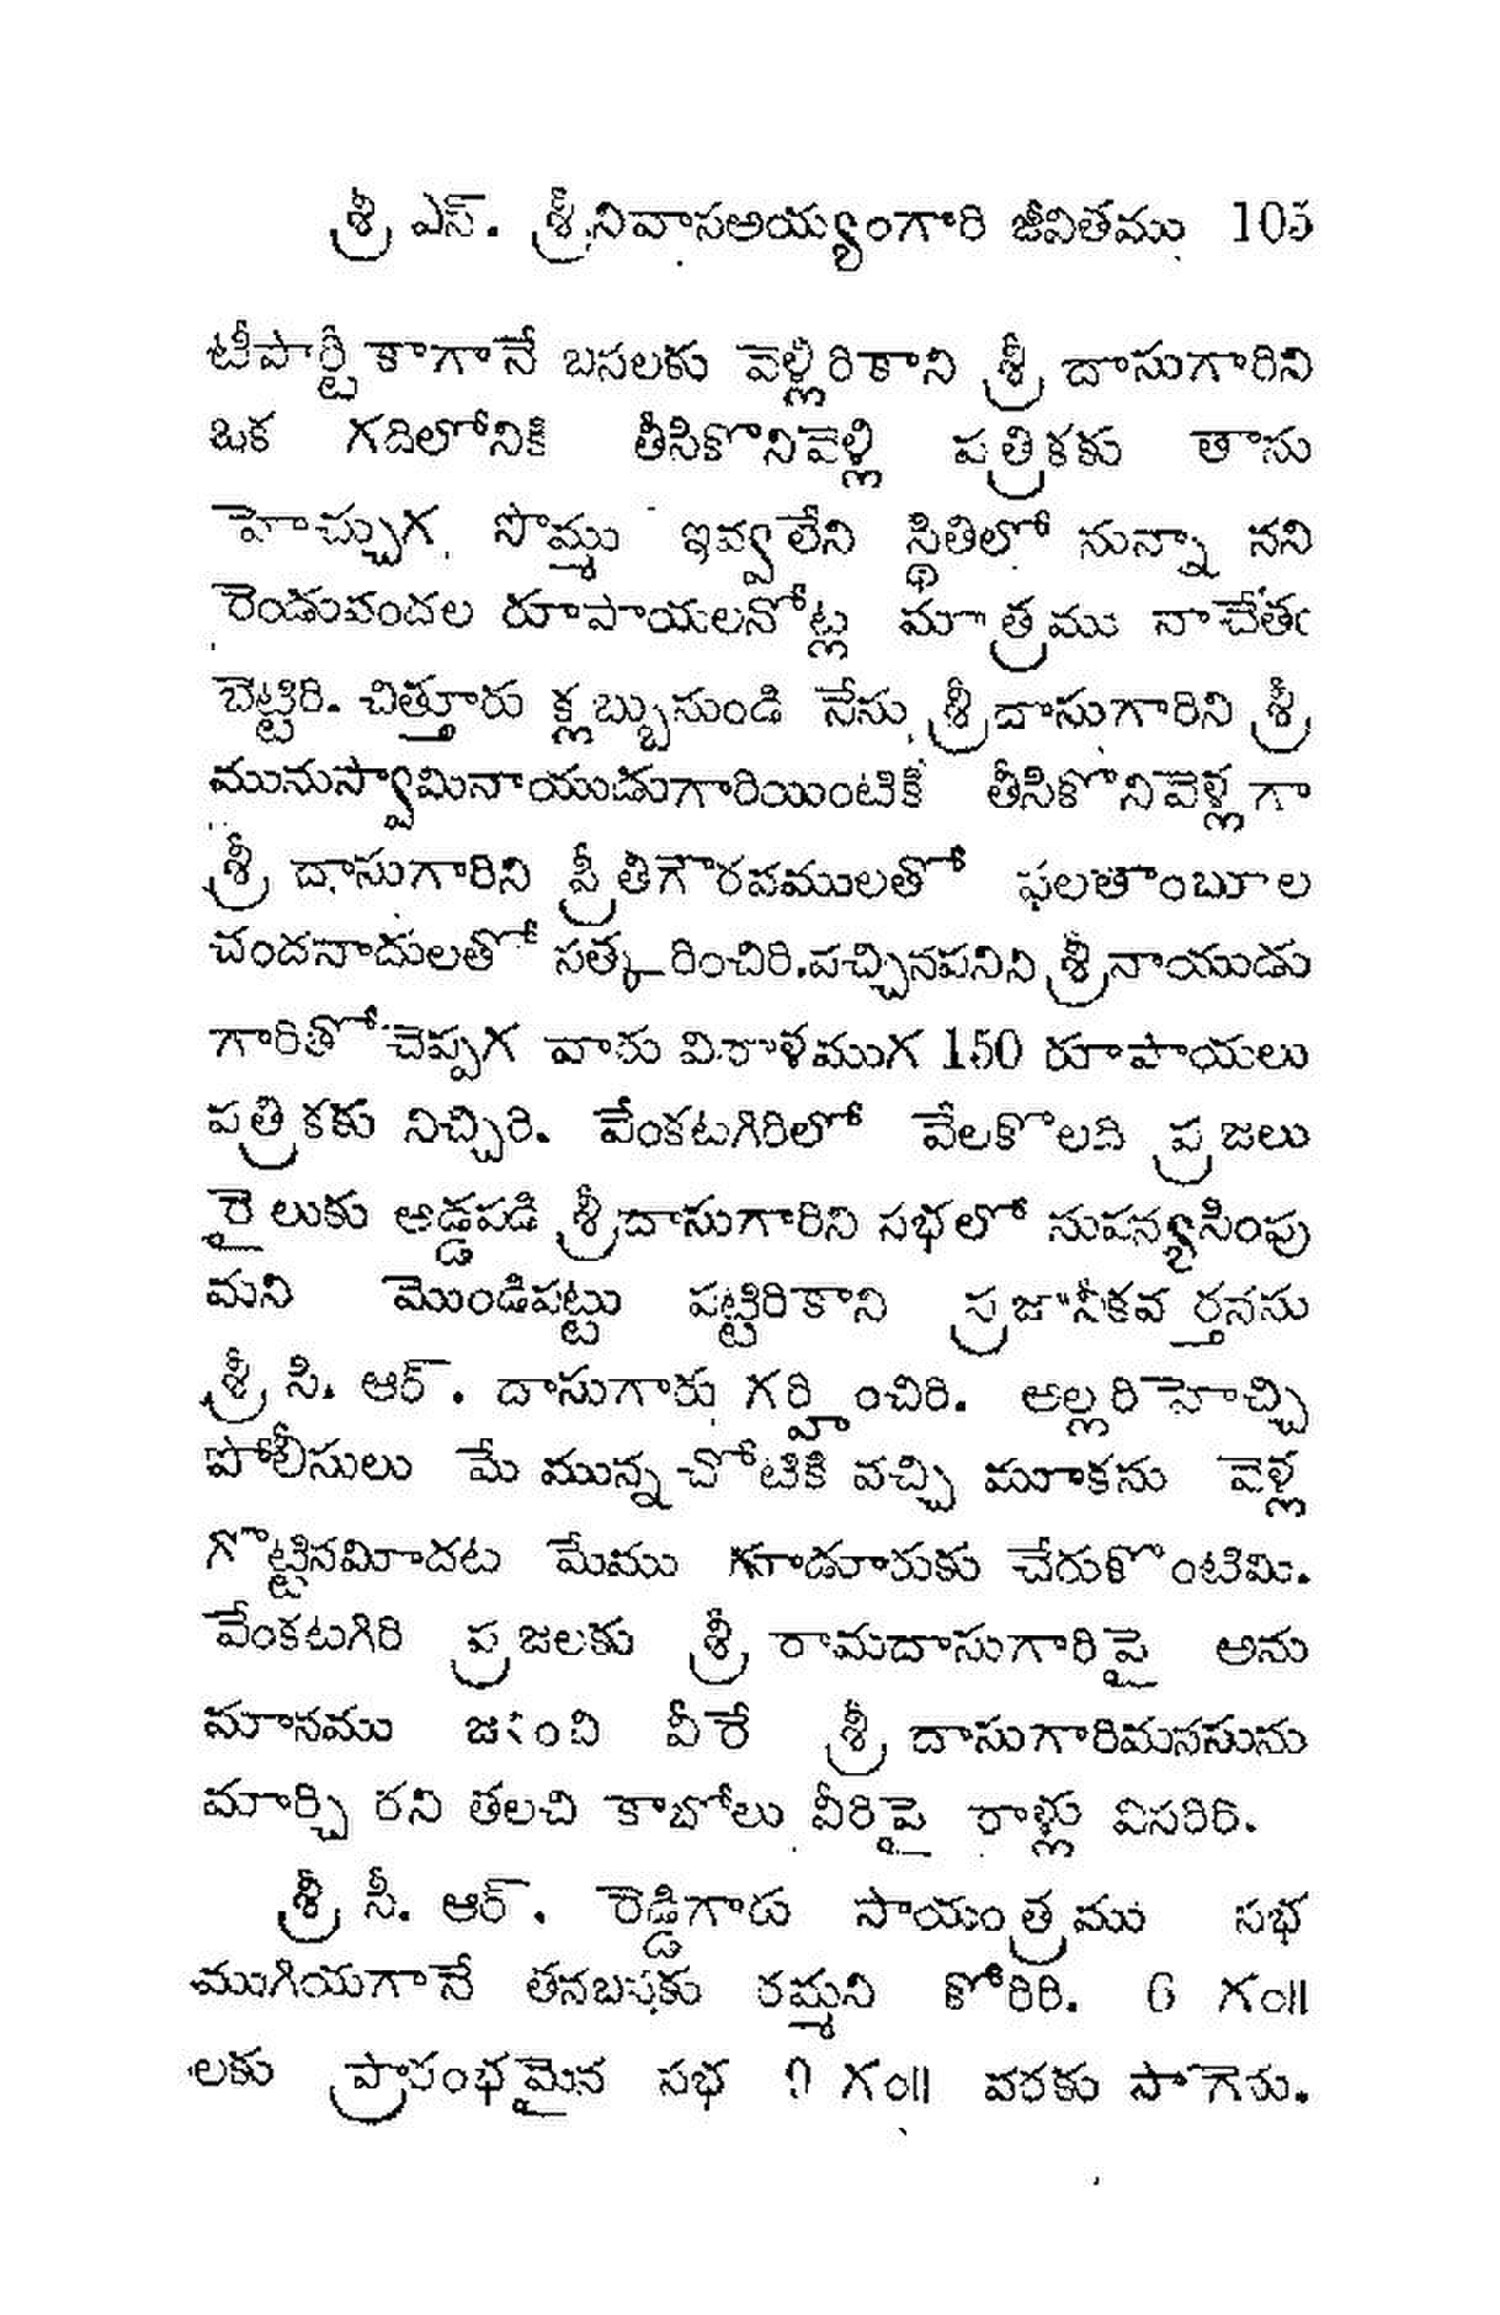టీపార్టీకాగానే బసలకు వెళ్లిరికాని శ్రీదాసుగారిని ఒక గదిలోనికి తీసికొనివెళ్లి పత్రికకు తాను హెచ్చుగ సొమ్ము ఇవ్వలేని స్థితిలో నున్నా నని రెండువందల రూపాయలనోట్ల మాత్రము నాచేతఁ బెట్టిరీ. చిత్తూరు క్లబ్బునుండి నేను శ్రీ దాసుగారిని శ్రీ మునుస్వామినాయుడుగారియింటికి తీసికొనివెళ్లగా శ్రీ దాసుగారిని ప్రీతిగౌరవములతో ఫలతాంబూల చందనాదులతో సత్కరించిరి. వచ్చినపనిని శ్రీనాయుడుగారితో చెప్పగ వారు విరాళముగ 150 రూపాయలు పత్రికకు నిచ్చిరి. వేంకటగిరిలో వేలకొలది ప్రజలు
రైలుకు అడ్డపడి శ్రీదాసుగారిని సభలో సుషన్యసింపుమని మొండిపట్టు పట్టిరికాని ప్రజానీకవర్తనను శ్రీ సి. ఆర్. దాసుగారు గర్హించిరి. అల్లరిహెచ్చి పోలీసులు మే మున్నచోటికి వచ్చి మూకను వెళ్లగొట్టినమీదట మేము గూడూరుకు చేరుకొంటిమి.
వేంకటగిరి ప్రజలకు శ్రీ రామదాసుగారిపై అనుమానము జనించి వీరే శ్రీ దాసుగారిమససును మార్చి రని తలచి కాబోలు వీరిపై రాళ్లు విసరిరి.

శ్రీ సీ. ఆర్, రెడ్డిగారు సాయంత్రము సభ ముగియగానే తనబసకు రమ్మని కోరిరి. 6 గం!! లకు ప్రారంభమైన సభ 9 గం|| వరకు సాగెను.